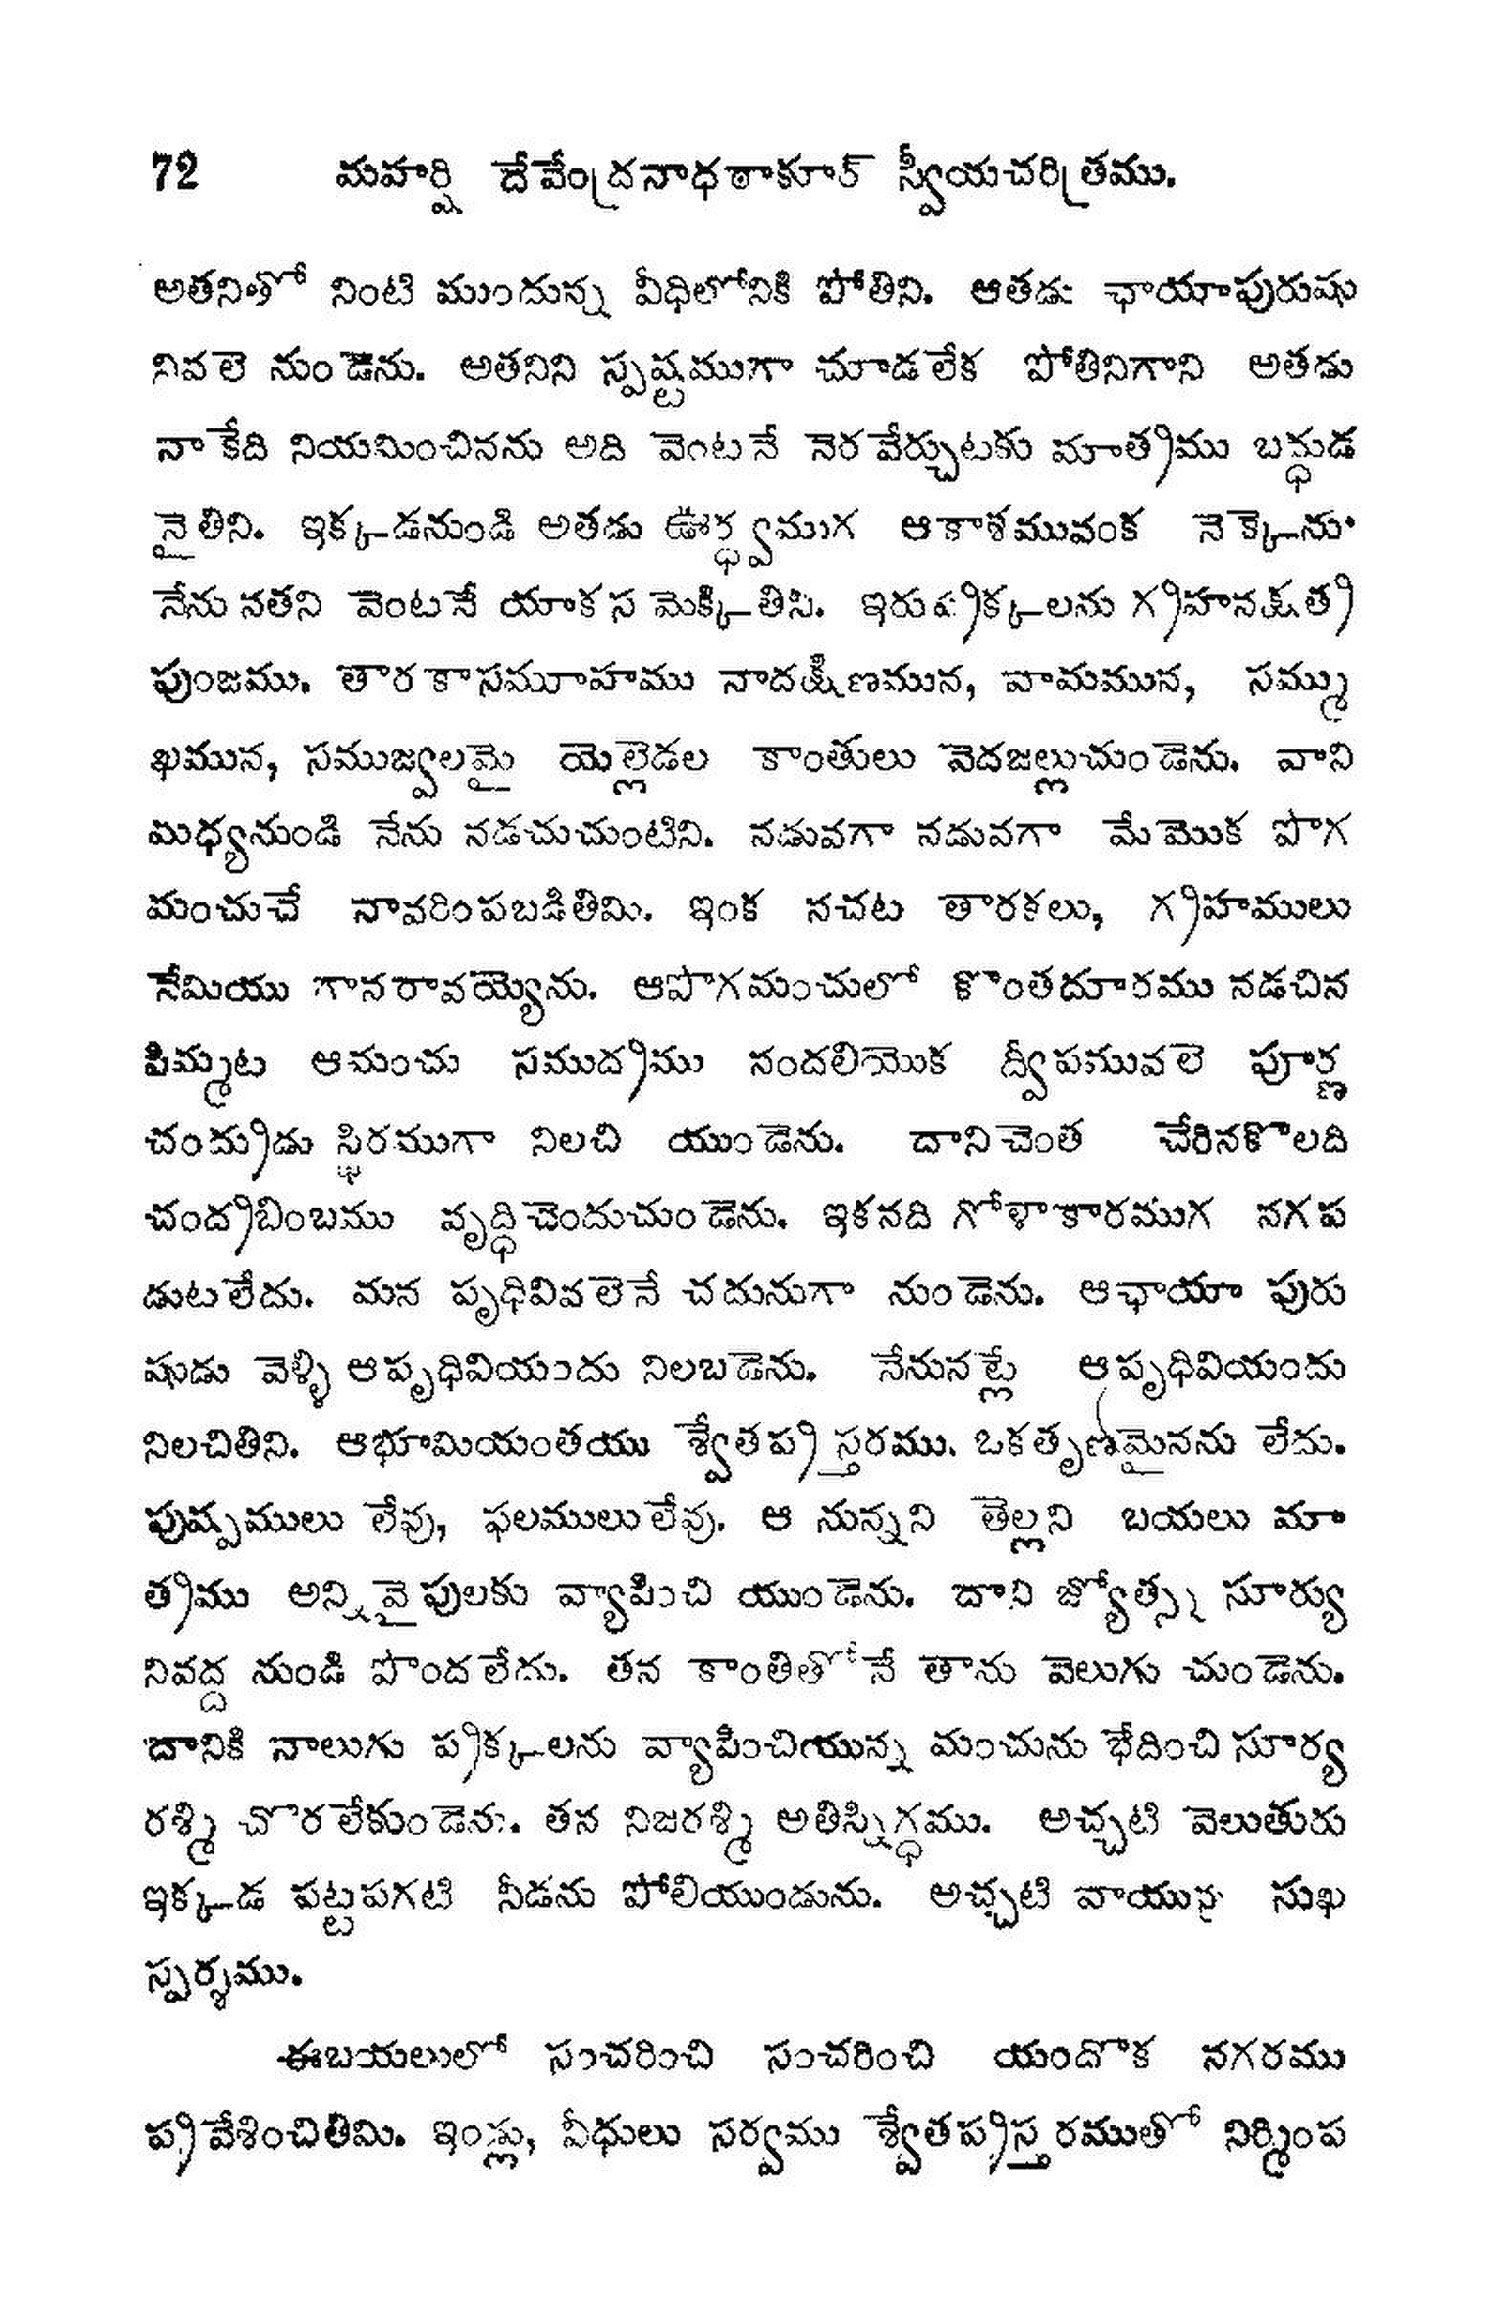అతనితో నింటి ముందున్న వీధిలోనికి పోతిని, ఆతడ: ఛాయాపురుషు
నివలె నుండెను. అతనిని స్పష్టముగా చూడ లేక పోతినిగాని అతడు
నా కేది నియమించినను అది వెంటనే నెర వేర్చుటకు మాత్రము బద్ధుడ
నైతిని. ఇక్కడనుండి అతడు ఊర్ధ్వముగ ఆకాశము వంక నెక్కెను.
నేను నతని వెంటనే యాకస మెక్కితిని. ఇరు ప్రక్కలను గ్రహనక్షత్ర
పుంజము. తారకా సమూహము నాదక్షిణమున, వామనమున, సమ్ము
ఖమున, సముజ్వలమై యెల్లెడల కాంతులు వెదజల్లు చుండెను. వాని
మధ్యనుండి నేను నడచు చుంటిని. నడువగా నడువగా మేమొక పొగ
మంచుచే నావరింపబడితిమి. ఇంక నచట తారకలు, గ్రహములు
సేమియు గాన రావయ్యెను. ఆపొగ మంచులో కొంత దూరము నడచిన
పిమ్మట ఆమంచు సముద్రము నందలి యొక ద్వీపమువలె పూర్ణ
చందుడు స్థిరముగా నిలచి యుండెను. దాని చెంత చేరిన కొలది 
చంద్ర బింబము వృద్ధి చెందు చుండెను. ఇకనది గోళాకారముగ నగప
డుట లేదు. మన పృధివివ లెనే చదునుగా నుండెను. ఆ ఛాయా పురు
షుడు వెళ్ళి ఆపృధివి యందు నిలబడెను. నేనునట్లే ఆపృధివి యందు
నిలచితిని. ఆ భూమి యంతయు శ్వేతప్రస్తరము. ఒక తృణ మైనను లేదు.
పుష్పములు లేవు, ఫలములు లేవు. ఆ నున్నని తెల్లని బయలు మా
త్రము అన్ని వైపులకు వ్యాపించి యుండెను. దాని జ్యోత్స్న సూర్యు
నివద్ద నుండి పొంద లేదు. తన కాంతితోనే తాను వెలుగు చుండెను.
దానికి నాలుగు ప్రక్కలను వ్యాపించి యున్న మంచును భేదించి సూర్య
రశ్మి చొర లేకుండెను. తననిజరశ్మి అతి స్నిగ్ధము. అచ్చటి వెలుతురు
ఇక్కడ పట్టపగటి నీడను పోలియుండును. అచ్చటి వాయును సుఖ
స్పర్శము. 

ఈ బయలులో సంచరించి సంచరించి యందొక నగరము ప్రవేశించితిమి. 
ఇండ్లు, వీధులు సర్వము శ్వేత హస్తరముతో నిర్మింప